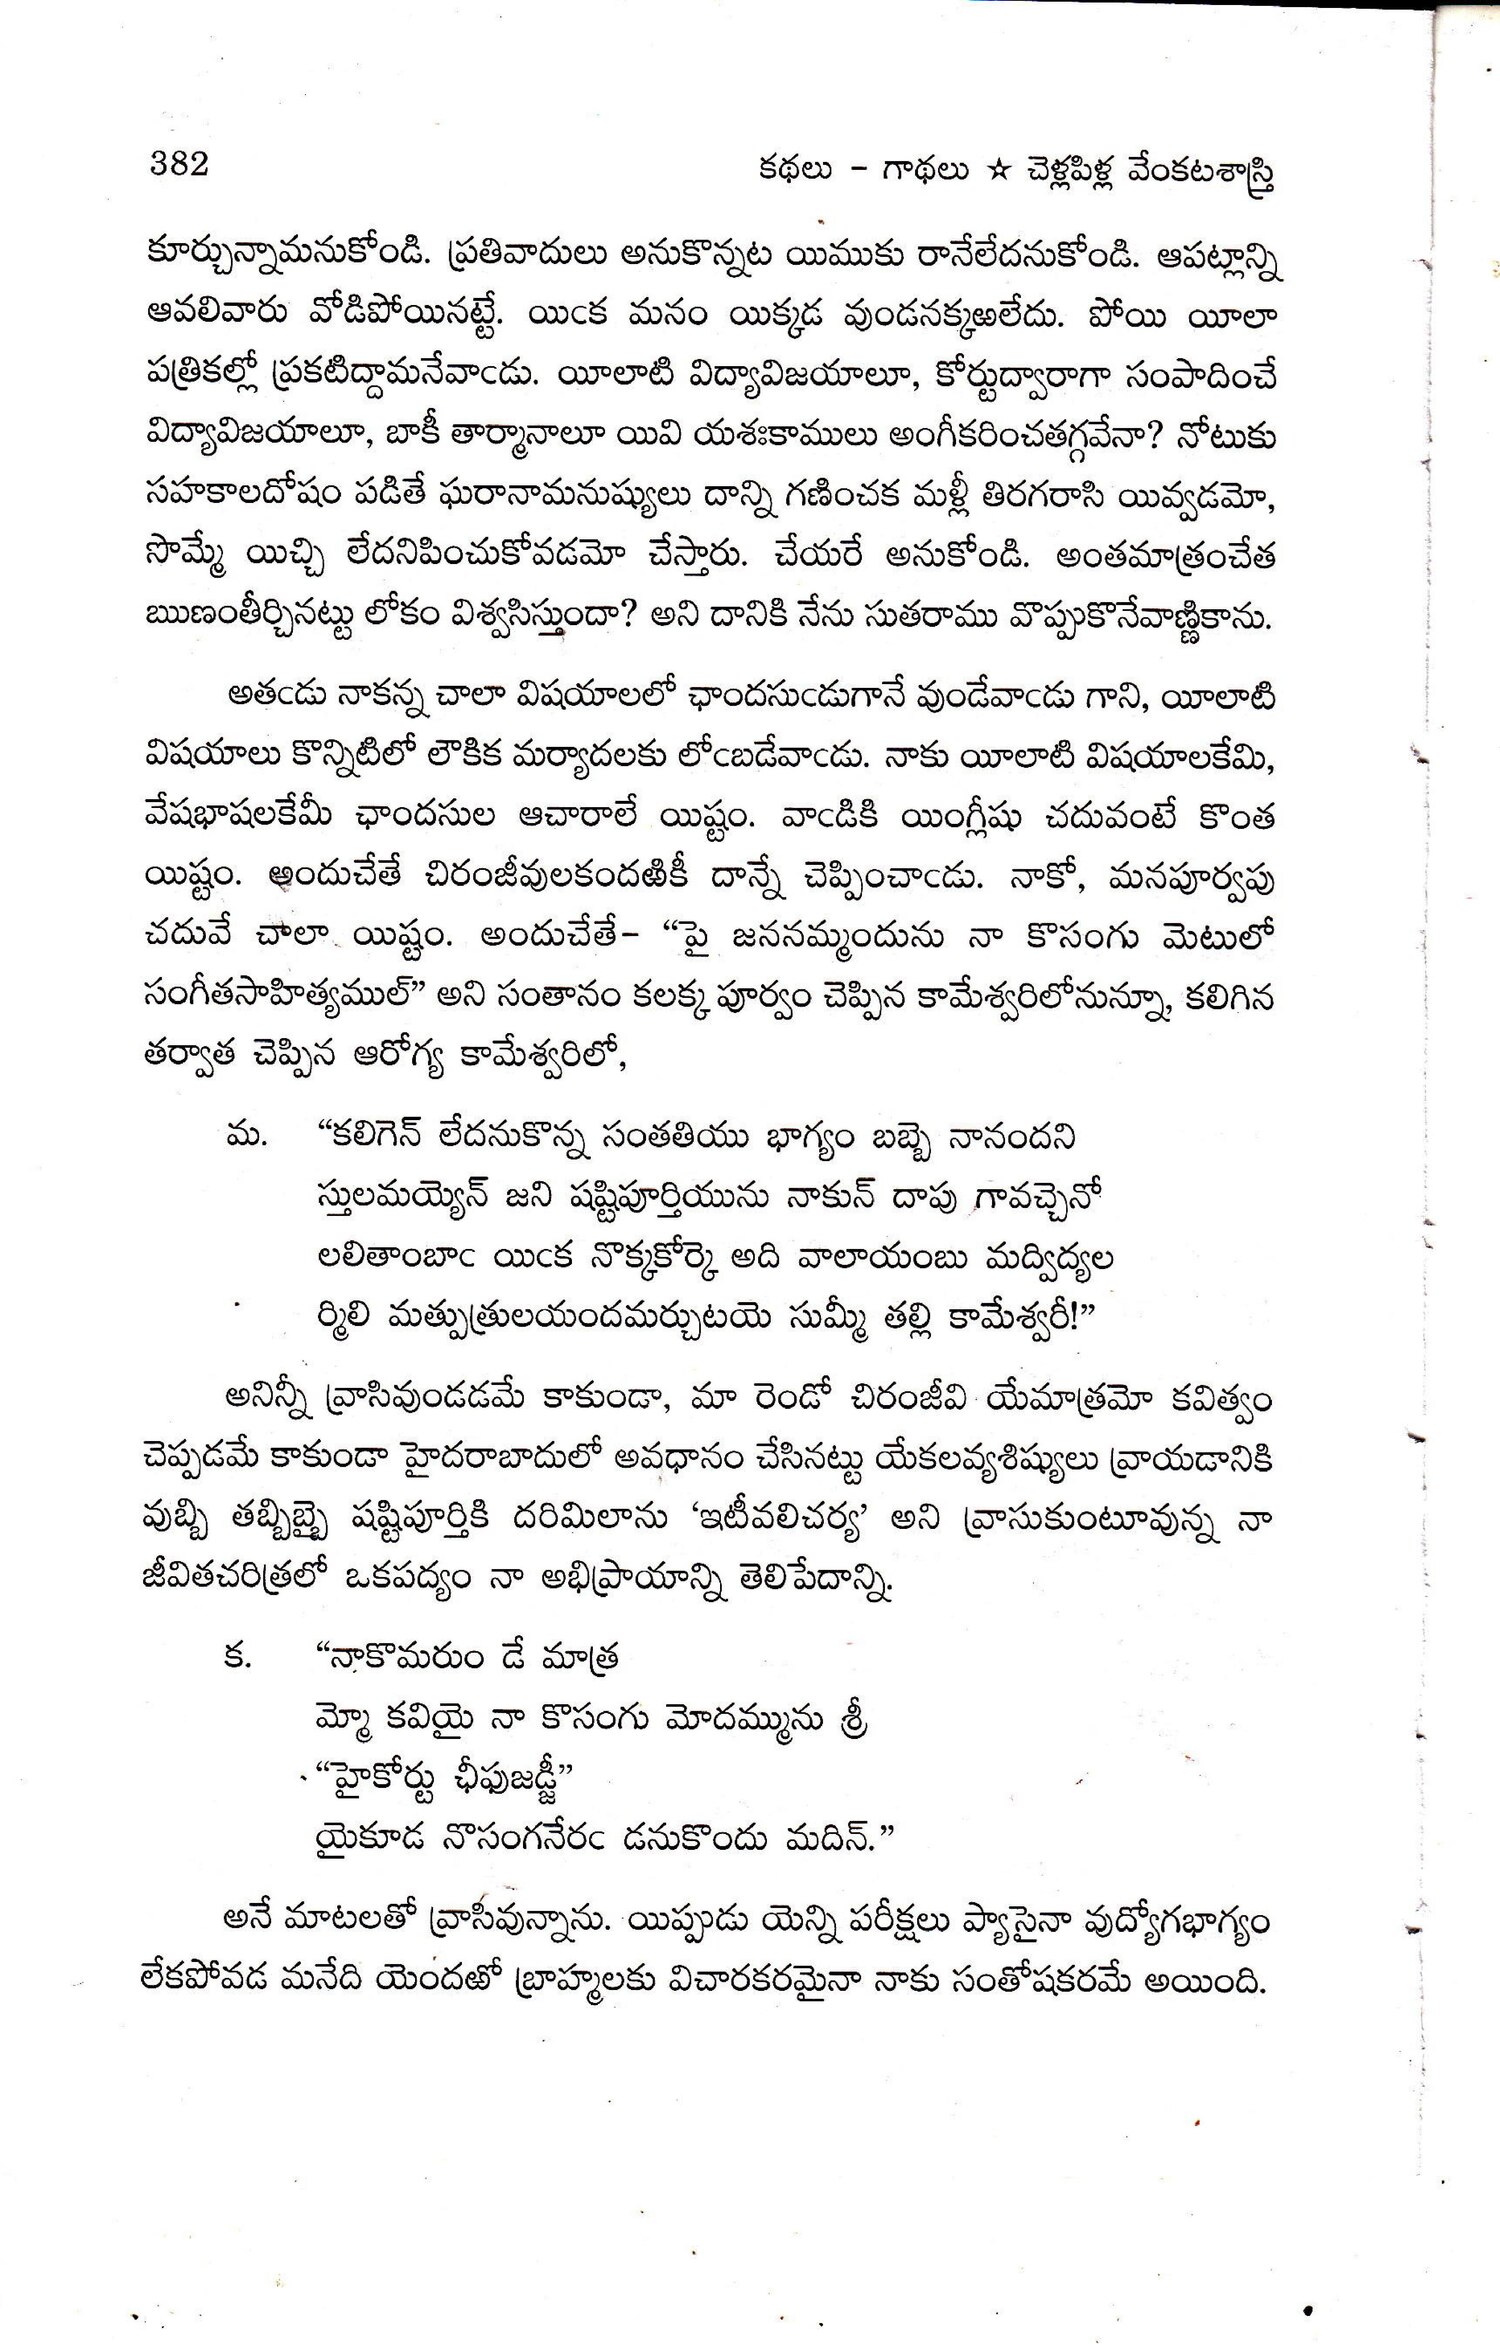కూర్చున్నామనుకోండి. ప్రతివాదులు అనుకొన్నట యిముకు రానేలేదనుకోండి. ఆపట్లాన్ని ఆవలివారు వోడిపోయినట్టే. యిఁక మనం యిక్కడ వుండనక్కఱలేదు. పోయి యిలా పత్రికల్లో ప్రకటిద్దామనేవాఁడు. యీలాటి విద్యావిజయాలూ, కోర్టుద్వారాగా సంపాదించే విద్యావిజయాలూ, బాకీ తార్మానాలూ యివి యశఃకాములు అంగీకరించతగ్గవేనా? నోటుకు సహకాలదోషం పడితే ఘరానామనుష్యులు దాన్ని గణించక మళ్లీ తిరగరాసి యివ్వడమో, సొమ్మే యిచ్చి లేదనిపించుకోవడమో చేస్తారు. చేయరే అనుకోండి. అంతమాత్రంచేత ఋణంతీర్చినట్టు లోకం విశ్వసిస్తుందా? అని దానికి నేను సుతరాము వొప్పుకొనేవాణ్ణికాను.

అతఁడు నాకన్న చాలా విషయాలలో ఛాందసుఁడుగానే వుండేవాఁడు గాని, యీలాటి - విషయాలు కొన్నిటిలో లౌకిక మర్యాదలకు లోఁబడేవాఁడు. నాకు యీలాటి విషయాలకేమి, - వేషభాషలకేమీ ఛాందసుల ఆచారాలే యిష్టం. వాఁడికి యింగ్లీషు చదువంటే కొంత యిష్టం. అందుచేతే చిరంజీవులకందఱికీ దాన్నే చెప్పించాఁడు. నాకో, మనపూర్వపు చదువే చాలా యిష్టం. అందుచేతే - “పై జననమ్మందును నా కొసంగు మెటులో సంగీతసాహిత్యముల్" అని సంతానం కలక్క పూర్వం చెప్పిన కామేశ్వరిలోనున్నూ కలిగిన తర్వాత చెప్పిన ఆరోగ్య కామేశ్వరిలో,

మ. “కలిగెన్ లేదనుకొన్న సంతతియు భాగ్యం బబ్బె నానందని
 స్తులమయ్యెన్ జని షష్టిపూర్తియును నాకున్ దాపు గావచ్చెనో 
 లలితాంబాఁ యిఁక నొక్కకోర్కె అది వాలాయంబు మద్విద్యల 
 ర్మిలి మత్పత్రులయందమర్చుటయె సుమ్మీ తల్లి కామేశ్వరీ!"
అనిన్నీ వ్రాసివుండడమే కాకుండా, మా రెండో చిరంజీవి యేమాత్రమో కవిత్వం చెప్పడమే కాకుండా హైదరాబాదులో అవధానం చేసినట్టు యేకలవ్యశిష్యులు వ్రాయడానికి వుబ్బి తబ్బిబ్బై షష్టిపూర్తికి దరిమిలాను "ఇటీవలిచర్య అని వ్రాసుకుంటూవున్న నా జీవితచరిత్రలో ఒకపద్యం నా అభిప్రాయాన్ని తెలిపేదాన్ని

క. “నాకొమరుం డే మాత్ర
 మ్మో కవియై నా కొసంగు మోదమ్మను శ్రీ
 "హైకోర్టు ఛీపుజడ్జీ"
 యైకూడ నొసంగనేరఁ డనుకొందు మదిన్."
అనే మాటలతో వ్రాసివున్నాను. యిప్పుడు యెన్ని పరీక్షలు ప్యాసైనా వుద్యోగభాగ్యం - లేకపోవడ మనేది యెందఱో బ్రాహ్మలకు విచారకరమైనా నాకు సంతోషకరమే అయింది.